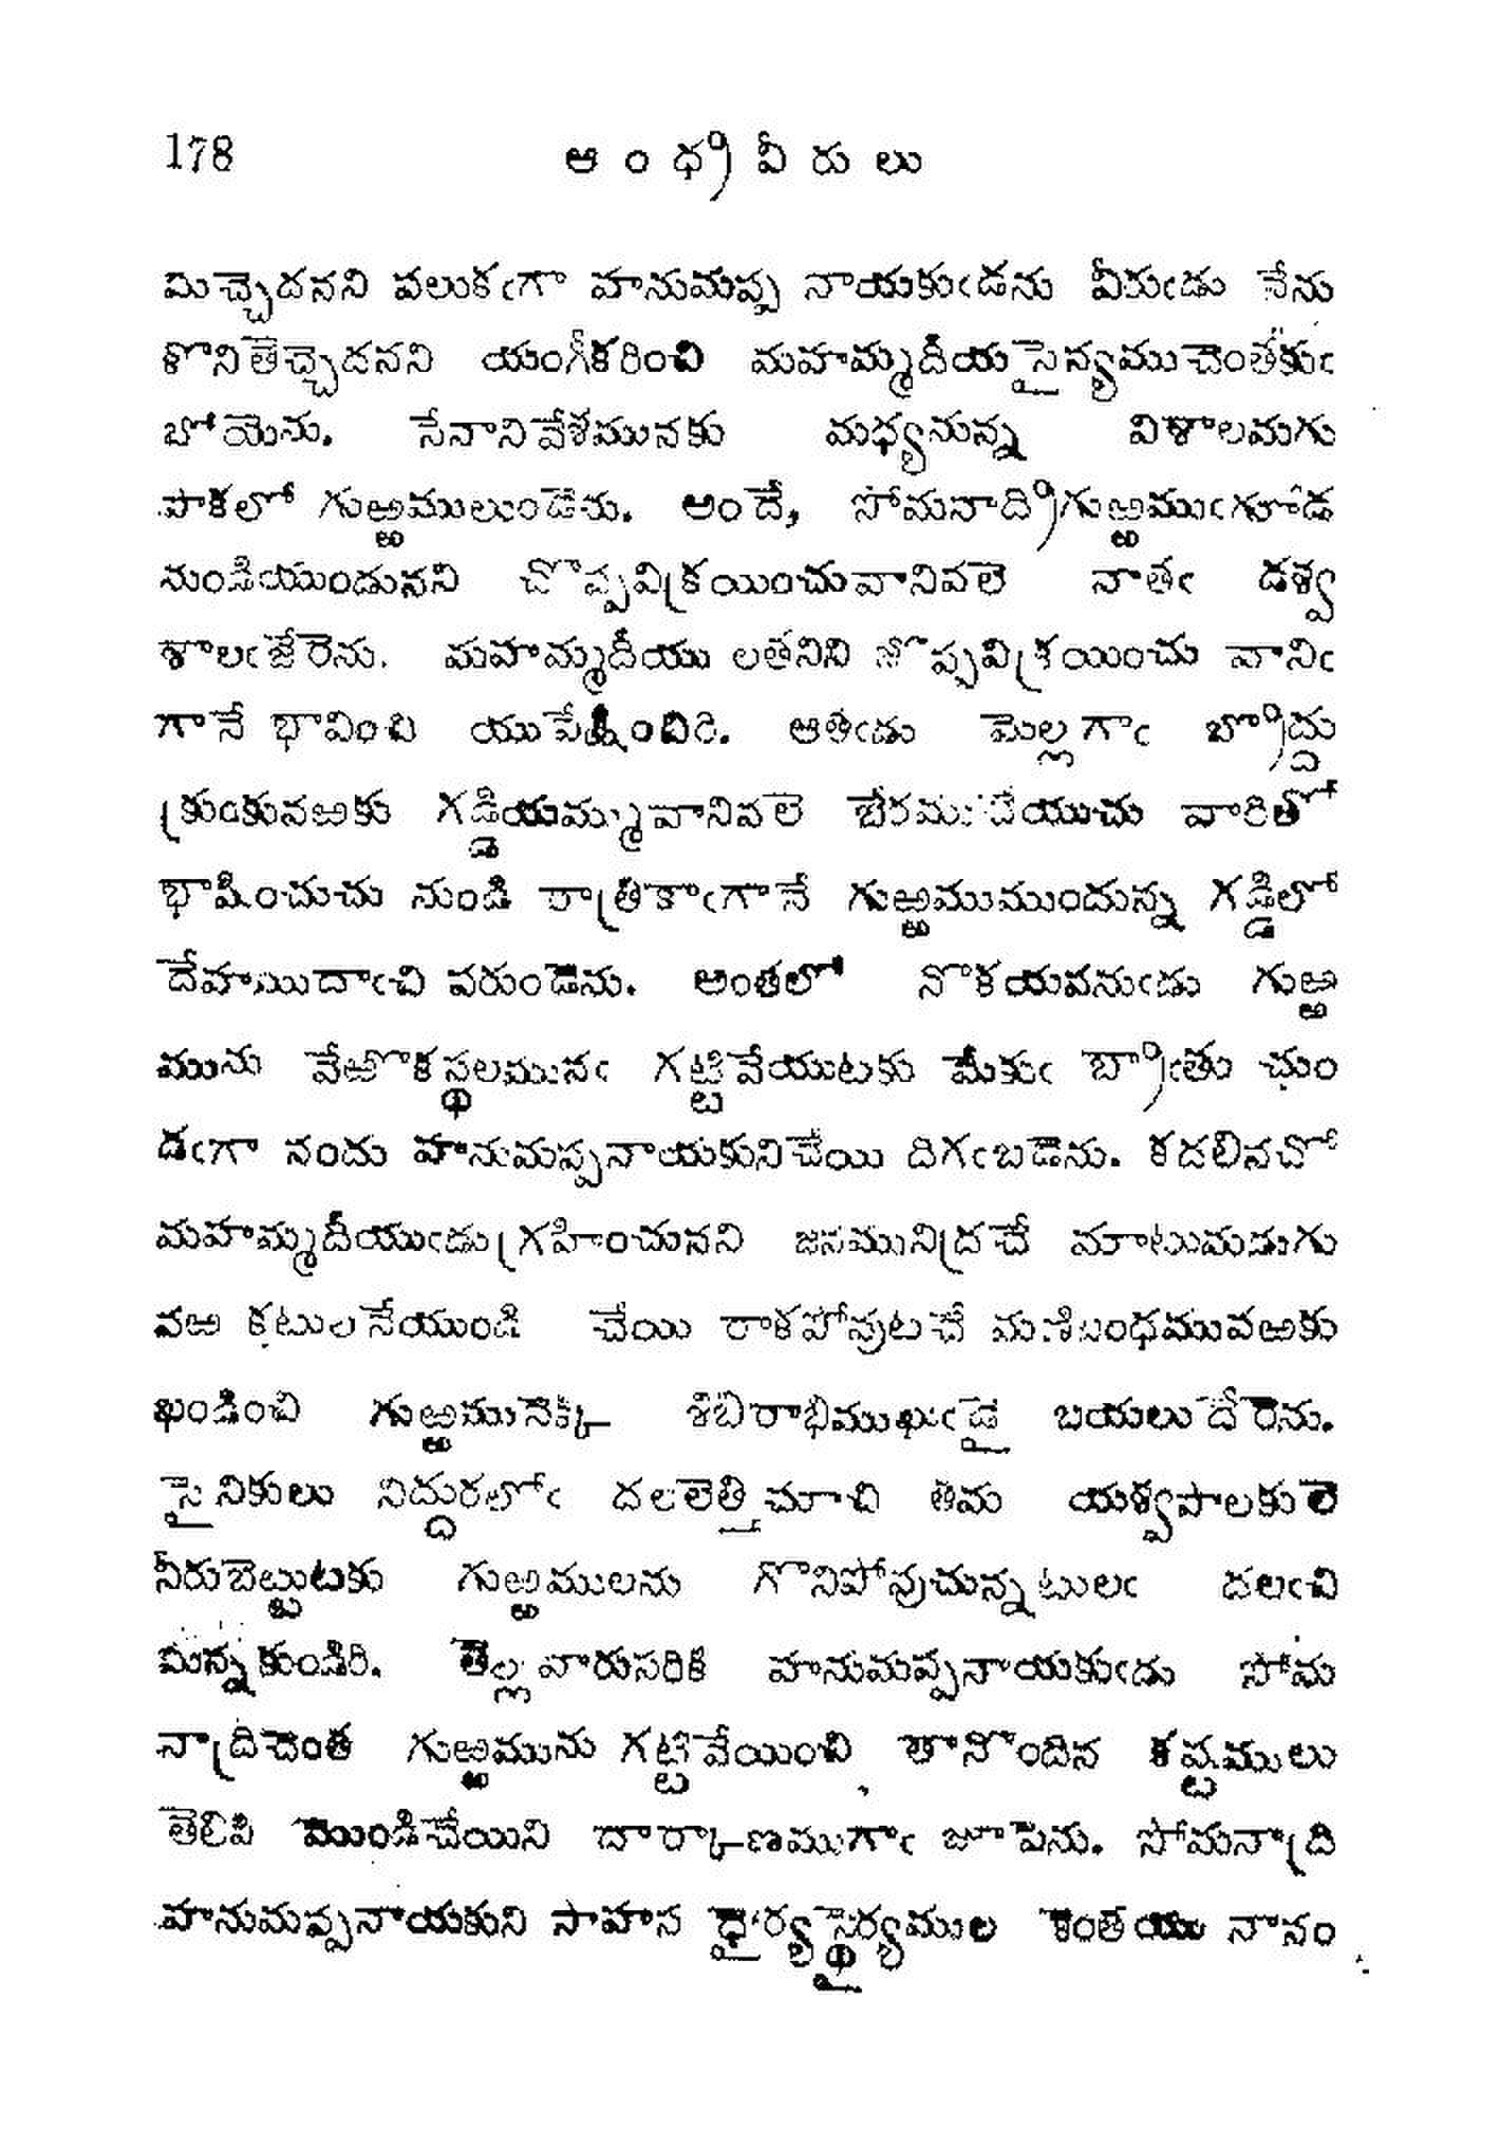మిచ్చెదనని పలుకగా హనుమప్ప నాయకుడను వీరుడు నేను కొనితెచ్చెదనని యంగీకరించి మహమ్మదీయసైన్యముచెంతకు బోయెను. సేనానివేశమునకు మధ్యనున్న విశాలమగు పాకలో గుఱ్ఱములుండెను. అందే, సోమనాద్రిగుఱ్ఱముగూడ నుండియుండునని చొప్పవిక్రయించువానివలె నాత డశ్వశాలజేరెను. మహమ్మదీయు లతనిని జొప్పవిక్రయించు వానిగానే భావించి యుపేక్షించిరి. ఆతడు మెల్లగా బ్రొద్దు క్రుంకువఱకు గడ్డియమ్మువానివలె బేరముచేయుచు వారితో భాషించుచు నుండి రాత్రికాగానే గుఱ్ఱముముందున్న గడ్డిలో దేహముదాచి పరుండెను. అంతలో నొకయవనుడు గుఱ్ఱమును వేఱొకస్థలమున గట్టివేయుటకు మేకు బ్రాతు చుండగా నందు హనుమప్పనాయకునిచేయి దిగబడెను. కదలినచో మహమ్మదీయుడు గ్రహించునని జనమునిద్రచే మాటుమడుగు వఱ కటులనేయుండి చేయి రాకపోవుటచే మణిబంధమువఱకు ఖండించి గుఱ్ఱమునెక్కి శిబిరాభిముఖుడై బయలుదేరెను. సైనికులు నిద్దురలో దలలెత్తిచూచి తమ యశ్వపాలకులె నీరుబెట్టుటకు గుఱ్ఱములను గొనిపోవుచున్నటుల దలంచి మిన్నకుండిరి. తెల్లవారుసరికి హనుమప్పనాయకుడు సోమనాద్రిచెంత గుఱ్ఱమును గట్టివేయించి తానొందిన కష్టములు తెలిపి మొండిచేయిని దార్కాణముగా జూపెను. సోమనాద్రి హనుమప్పనాయకుని సాహస ధైర్యస్థైర్యముల కెంతయు నానం